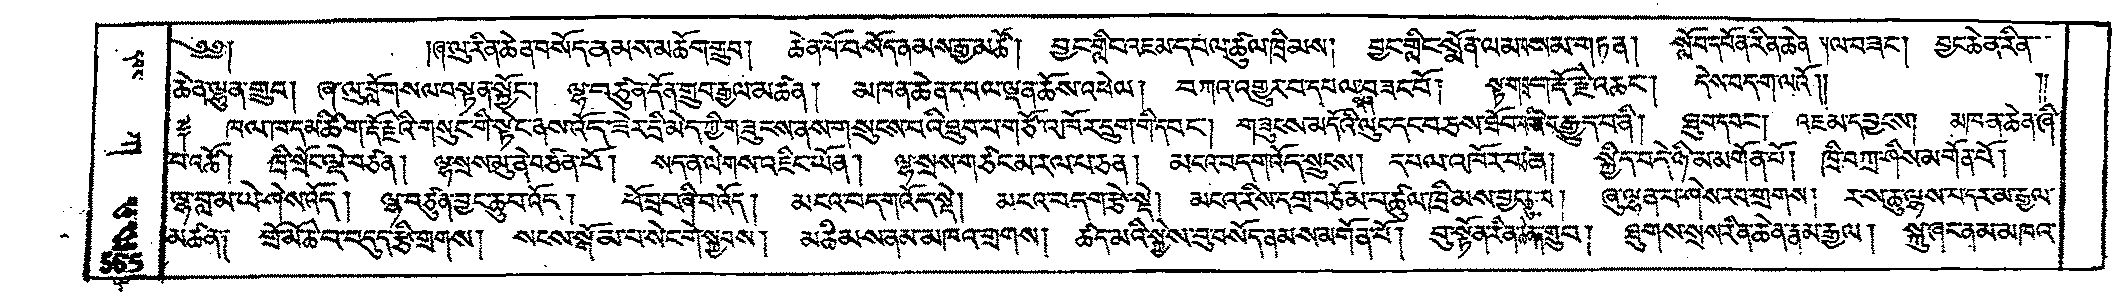༄༅། །ཞ་ལུ་རིན་ཆེན་བསོད་ནམས་མཆོག་གྲུབ། ཆེན་པོ་བསོད་ནམས་རྒྱ་མཚོ། བྱང་གླིང་འཇམ་དཔལ་ཚུལ་ཁྲིམས། བྱང་གླིང་སྨོན་ལམ་བསམ་གཏན། སློབ་དཔོན་རིན་ཆེན་།ལ་བཟང་། བྱང་ཆེན་རིན་
ཆེན་ལྷུན་གྲུབ། ཞ་ལུ་བློ་གསལ་བསྟན་སྐྱོང་། ལྷ་བཙུན་དོན་གྲུབ་རྒྱལ་མཚན། མཁན་ཆེན་དཔལ་ལྡན་ཆོས་འཕེལ། བཀའ་འགྱུར་བ་དཔལ་ལྡན་བཟང་པོ། སྟག་བྲག་རྡོ་རྗེ་འཆང་། དེས་བདག་ལའོ།། །།
འ་ཁལ་ཁ་དམ་ཚིག་རྡོ་རྗེའི་གསུང་གི་སྟེང་ནས་འོད་ཟེར་དྲི་མེད་ཀྱི་གཟུངས་ནས་གསུངས་པའི་ཐུབ་པ་གཙོ་འཁོར་དྲུག་གི་དབང་། གཟུངས་མདོའི་ལུང་དང་བཅས་ཐོབ་པའི་བརྒྱུད་པ་ནི། ཐུབ་དབང་། འཇམ་དབྱངས། མཁན་ཆེན་ཞི་
བ་འཚོ། ཁྲི་སྲོང་ལྡེ་བཙན། ལྷ་སྲས་མུ་ནེ་བཙན་པོ། སད་ན་ལེགས་འཇིང་ཡོན། ལྷ་སྲས་གཙང་མ་རལ་པ་ཅན། མངའ་བདག་འོད་སྲུངས། དཔལ་འཁོར་བཙན། སྐྱིད་བདེ་ཉི་མ་མགོན་པོ། ཁྲི་བཀྲ་ཤིས་མགོན་པོ།
ལྷ་བླ་མ་ཡེ་ཤེས་འོད། ལྷ་བཙུན་བྱང་ཆུབ་འོད། ཕོ་བྲང་ཞི་བ་འོད། མངའ་བདག་འོད་སྡེ། མངའ་བདག་རྩེ་སྡེ། མངའ་རིས་དགྲ་བཅོམ་པ་ཚུལ་ཁྲིམས་བྱང་ཆུབ། ཞུ་ལྷན་པ་ཤེས་རབ་གྲགས། ར་ས་ཆུ་ལྷས་པ་དར་མ་རྒྱལ་
མཚན༑ གྲོ་མོ་ཆེ་བ་བདུད་རྩི་གྲགས། སངས་སྒོམ་པ་སེང་གེ་སྐྱབས། མཆིམས་ནམ་མཁའ་གྲགས། ཚད་མའི་སྐྱེས་བུ་བསོད་ནམས་མགོན་པོ། བུ་སྟོན་རིན་ཆེན་གྲུབ། ཐུགས་སྲས་རིན་ཆེན་རྣམ་རྒྱལ། སྐུ་ཞང་ནམ་མཁའ་